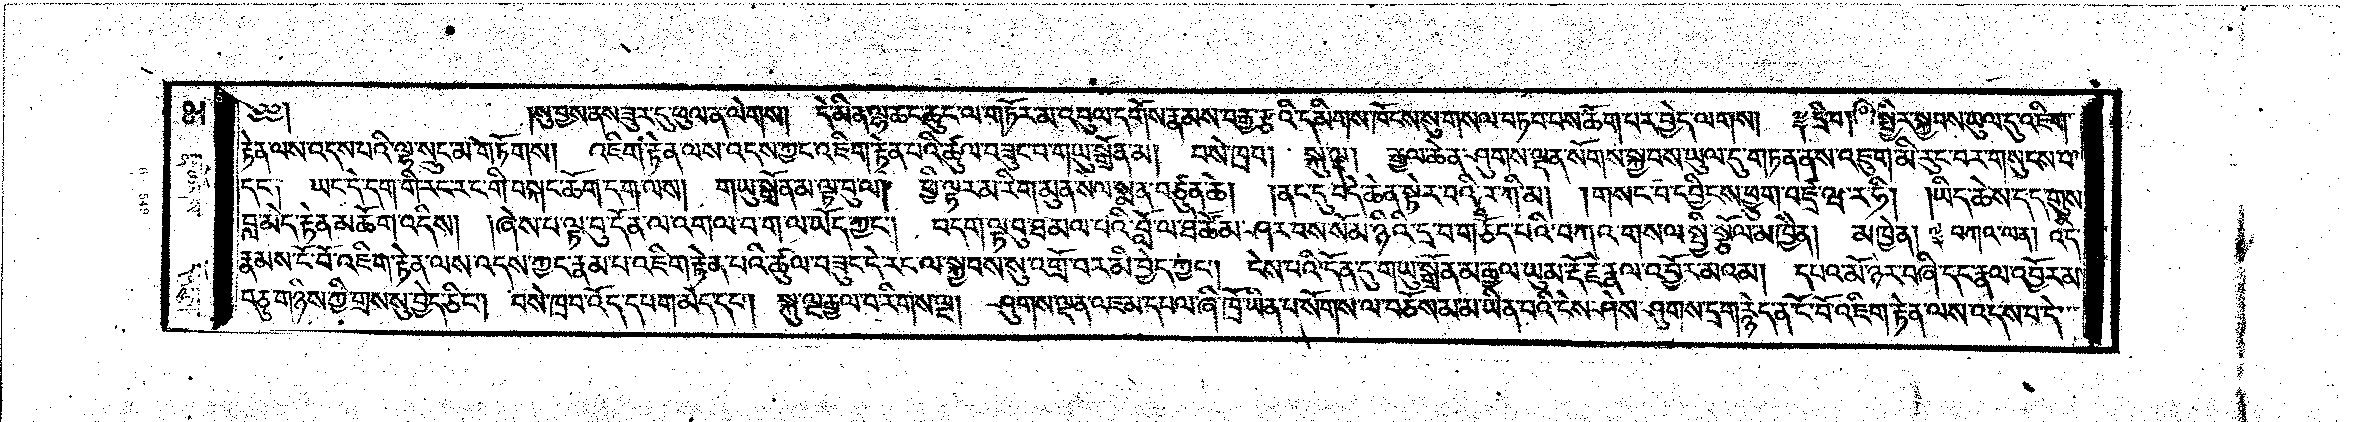༄༅། །སུ་བྱས་ནས་ཟུར་དུ་ཕུལ་ན་ལེགས། དེ་མིན་ལྷ་ཆང་ཆུང་ལ་གཏོར་མ་འབུལ་དགོས་རྣམས་བརྒྱ་རྩའི་དམིགས་ཁོངས་སུ་གསལ་བཏབ་པས་ཆོག་པར་བྱེད་ལགས། ༈དྲི་བ། ༼྾༽ སྤྱིར་སྐྱབས་ཡུལ་དུ་འཇིག་
ཕ༹རྟེན་ལས་འདས་པའི་ལྷ་སྲུང་མ་གཏོགས། འཇིག་རྟེན་ལས་འདས་ཀྱང་འཇིག་རྟེན་པའི་ཚུལ་བཟུང་བ་གཡུ་སྒྲོན་མ། བསེ་ཁྲབ། སྐུ་ལྔ། རྒྱལ་ཆེན་ཤུགས་ལྡན་སོགས་སྐྱབས་ཡུལ་དུ་གཏན་ནས་འཇུག་མི་རུང་བར་གསུངས་པ་
དང༑ ཡང་དེ་དག་གི་རང་རང་གི་བསྐང་ཆོག་དག་ལས། གཡུ་སྒྲོན་མ་ལྟ་བུ་ལ། ཕྱི་ལྟར་མ་རིག་མུན་སེལ་སྨན་བཙུན་ཆེ། །ནང་དུ་བདེ་ཆེན་སྟེར་བའི་ཌཱ་ཀི་མ། །གསང་བ་དབྱིངས་ཕྱུག་བཛྲ་ཝ་ར་ཧི། །ཡིད་ཆེས་དད་གུས་
ཕ༹བླ་མེད་རྟེན་མཆོག་འདིས། །ཞེས་པ་ལྟ་བུ་དོན་ལ་འགལ་བ་ག་ལ་ཡོད་ཀྱང་། བདག་ལྟ་བུ་ཐ་མལ་པའི་བློ་ལ་ཐེ་ཚོམ་ཤར་བས་སོམ་ཉིའི་དྲ་བ་གཅོད་པའི་བཀའ་གསལ་སྤྱི་སྩོལ་མཁྱེན། མཁྱེན། ༈ བཀའ་ལན། འདི་
རྣམས་ངོ་བོ་འཇིག་རྟེན་ལས་འདས་ཀྱང་རྣམ་པ་འཇིག་རྟེན་པའི་ཚུལ་བཟུང་དེ་རང་ལ་སྐྱབས་སུ་འགྲོ་བར་མི་བྱེད་ཀྱང་། ངེས་པའི་དོན་དུ་གཡུ་སྒྲོན་མ་རྒྱལ་ཡུམ་རྡོ་རྗེ་རྣལ་འབྱོར་མའམ། དཔའ་མོ་ཉེར་བཞི་དང་རྣལ་འབྱོར་མ་
བཅུ་གཉིས་ཀྱི་གྲས་སུ་བྱེད་ཅིང་། བསེ་ཁྲབ་འོད་དཔག་མེད་དང་། སྐུ་ལྔ་རྒྱལ་བ་རིགས་ལྔ། ཤུགས་ལྡན་འཇམ་དཔལ་ཞི་ཁྲོ་ཡིན་པ་སོགས་ལ་བཅོས་མ་མ་ཡིན་པའི་ངེས་ཤེས་ཤུགས་དྲག་རྙེད་ན་ངོ་བོ་འཇིག་རྟེན་ལས་འདས་པ་དེ་